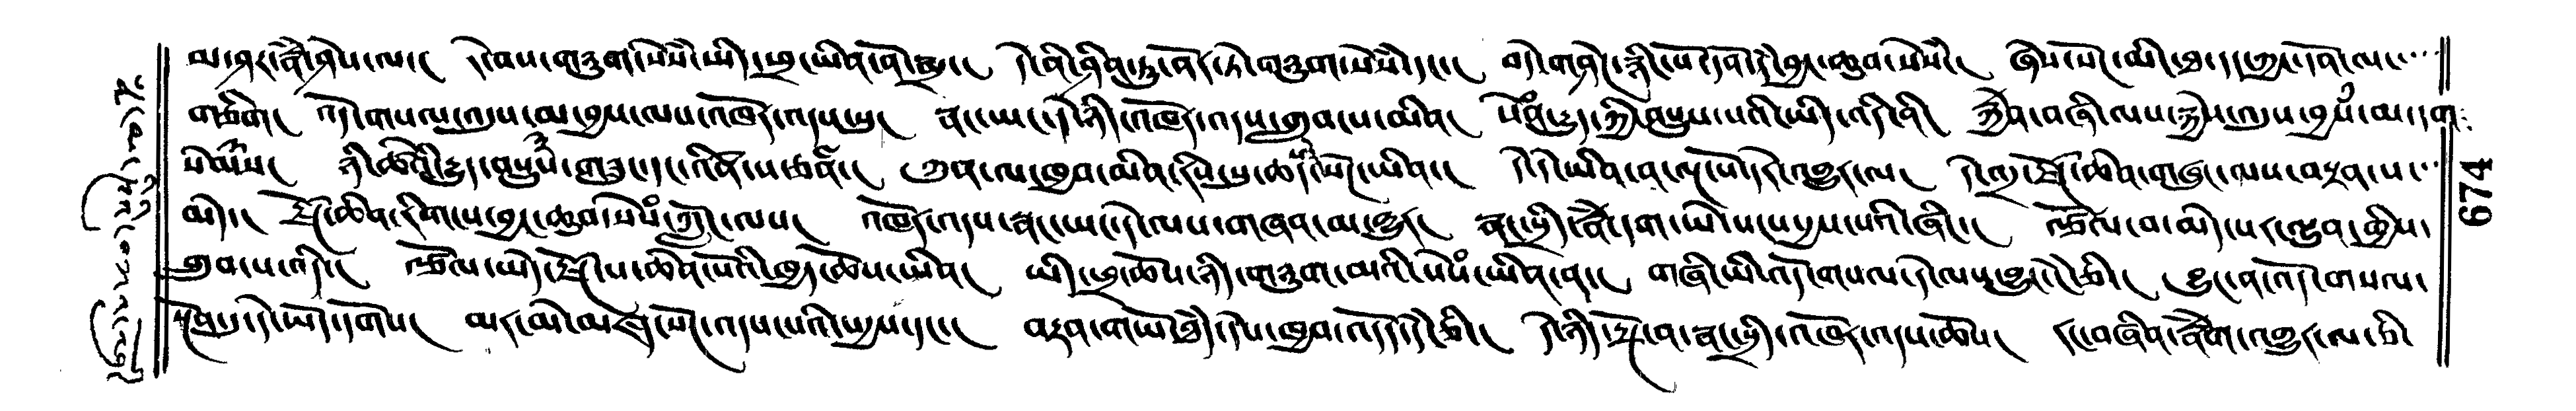མ་ཤར་རྣམ་ཤེས་ལ། །དེ་བས་གཉུག་སེམས་ཡིད་ཕྲ་ཡིན་ནོ་སྨྲ། །དེ་ནི་ཤིན་ཏུ་ནོར་ཏེ་གཉུག་སེམས་དང་། །བདེ་གཤེགས་སྙིང་པོ་དོན་དམ་བྱང་ཆུབ་སེམས། །ཞེས་སོགས་མིང་ཐ་དད་ཀྱང་དོན་ལ་
གཅིག །འོད་གསལ་འདུས་མ་བྱས་ལས་འཁོར་འདས་སུ། །སྣང་ཡང་དེ་ཉིད་འཁོར་འདས་གྲུབ་པ་མིན། །སེམས་ཅན་རྒྱུད་ཀྱི་བསྡུས་པའི་ཡིད་འདི་ནི། །རྐྱེན་བཞི་ལས་སྐྱེས་འདུས་བྱས་མ་དག་
སེམས། །ཉི་ཚེའི་རྒྱུད་བསྡུས་གཟུང་དང་འཛིན་པ་ཅན། །ཀུན་ལ་ཁྱབ་མིན་རིས་སུ་ཆད་སོགས་ཡིན། །དེ་དེ་ཡིན་ན་ལྔ་པོ་དེར་འགྱུར་ལ། །དེ་འདྲ་རྫོགས་ཆེན་གཞུང་ལས་བསྟན་པ་
མེད། །རྫོགས་ཆེན་རིག་པ་བྱང་ཆུབ་སེམས་ཀློང་ལས། །འཁོར་འདས་སྣང་ཡང་དེ་ལས་གཞན་མ་གྱུར། །སྣང་སྲིད་རྣམ་དག་ཡེ་སངས་རྒྱས་པའི་ཞིང་། །རྩོལ་བ་མེད་པར་ལྷུན་གྱིས་
གྲུབ་པ་འདི། །རྩོལ་ཡོད་རྫོགས་པ་ཆེན་པོའི་ཁྱད་ཆོས་ཡིན། །ཡིད་ཕྲ་ཆོས་ཉིད་གཉུག་མའི་སེམས་ཡིན་ན། །གཞི་ཡི་འོད་གསལ་དེ་ལས་བྱུང་ངམ་ཅི། །བྱུང་ན་འོད་གསལ་
སྔོན་དུ་དེ་ཡོད་དགོས། །མར་མེ་མཛད་སོགས་འདས་པའི་སངས་རྒྱས་དང་། །བརྟན་གཡོ་ཐམས་ཅད་དེས་ཁྱབ་འདོད་དམ་ཅི། །དེ་ཉིད་རྟོགས་ན་སྣང་སྲིད་འཁོར་འདས་ཆོས། །རང་བཞིན་རྣམ་དག་འགྱུར་ལ་ཅི་